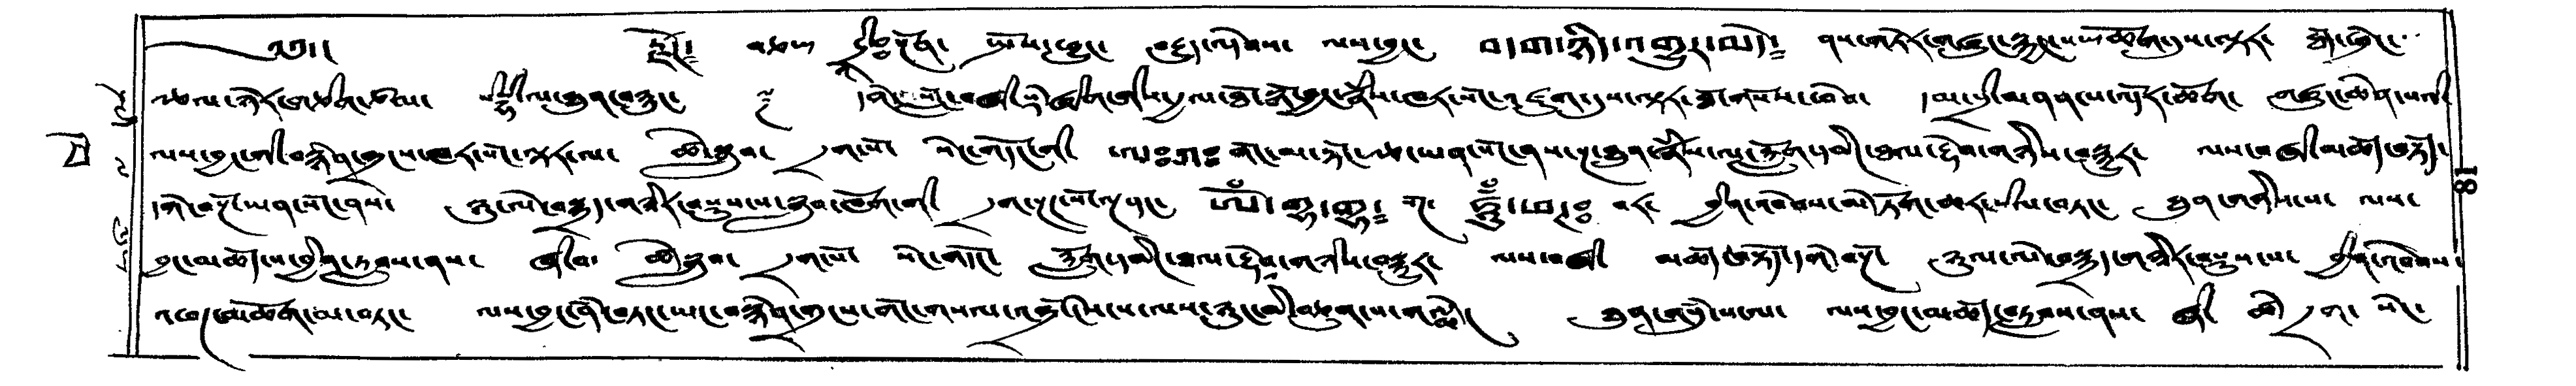རྫོགས་བཅས། ཧྲཱིཿསྔོན། སྤོས་ཕྱུང་། བརྒྱུད་འདེབས། ལས་བྱང་། བདག་ཉིད་འགྱུར་མེད༴ ནས་གཏེར་གཞུང་སྐྱངས་ཆོག་དུས་ལྟར། ཐོད་ཕྲེང་
རྩལ་ཉེར་གཅིག་ཙམ། སིདྡྷི་ལ་ཐུན་བཟུང་། ༈ དགེ་སློང་བཞི་སྡེ་ཞིག་གིས་རྒྱལ་ཐོ་སྒོ་བྱང་རྣམས་ཁར་སོང་འཇུག་དུས་ལྟར་ཐོ་གསོས་ལ་ཕེབ། དམ་སྲི་མནན་པ་འདོར་པས་ཆོག གཞུང་ཆེན་པོའི་
ལས་བྱང་གི་བསྙེན་གྲངས་ཁར་སེང་ལྟར་ལ། ཚེ་སྒྲུབ། དྲག་པོ། སེང་གདོང་གི་ཨཿཀཿགོང་མང་སྟོང་རྩ་ཡན་སོང་ནས་སྔ་ཐུན་རྣམས་ལ་ཟློག་དམིགས་ཐལ་རྡེབ་གཉིས་བསྐྱུར། ལས་བཞིའི་མཆོད་བསྟོད་
དགེ་བསྔོ་ཡན་སོང་ནས།ཉུ་ལེ་བསྐྲད་གཟིར་བསྡུས་པ་སྒྲུབ་ཁོག་གི་དྲག་སྔགས་སོ་ལྔ་དང་། ཨོཾ་གྷ་གྷ༴ སོགས། ཧཱུྃ་ཕཊཿ བར། བྱིན་འབེབས་མེ་ཏོག་ཆར་སིལ་བཏང་། ཐུན་གཉིས་པ། ལས་
བྱང་མཆོད་པ་བྱིན་བརླབས་ནས། ཞི་བ། ཚེ་སྒྲུབ། དྲག་པོ། སེང་གདོང་། ཟློག་དམིགས་ཐལ་རྡེབ་གཉིས་བསྐུར། ལས་བཞི། མཆོད་བསྟོད་དགེ་བསྔོ། ཉུལ་ལེ་བསྐྲད་གཟིར་བསྡུས་པ། བྱིན་འབེབས་
འཕགས་མཆོག་མ་བཏང་། ལས་བྱང་ནམ་བཏང་ཡང་བསྙེན་གྲངས་གོང་གསལ་འགྲོ་ངེས་པ་ལས་ཉུང་མི་བཅུག་པ་གལ་ཆེ། ཐུན་གསུམ་པ་ལ། ལས་བྱང་མཆོད་བརླབས་ནས། ཞི། ཚེ་དྲག་སེང་